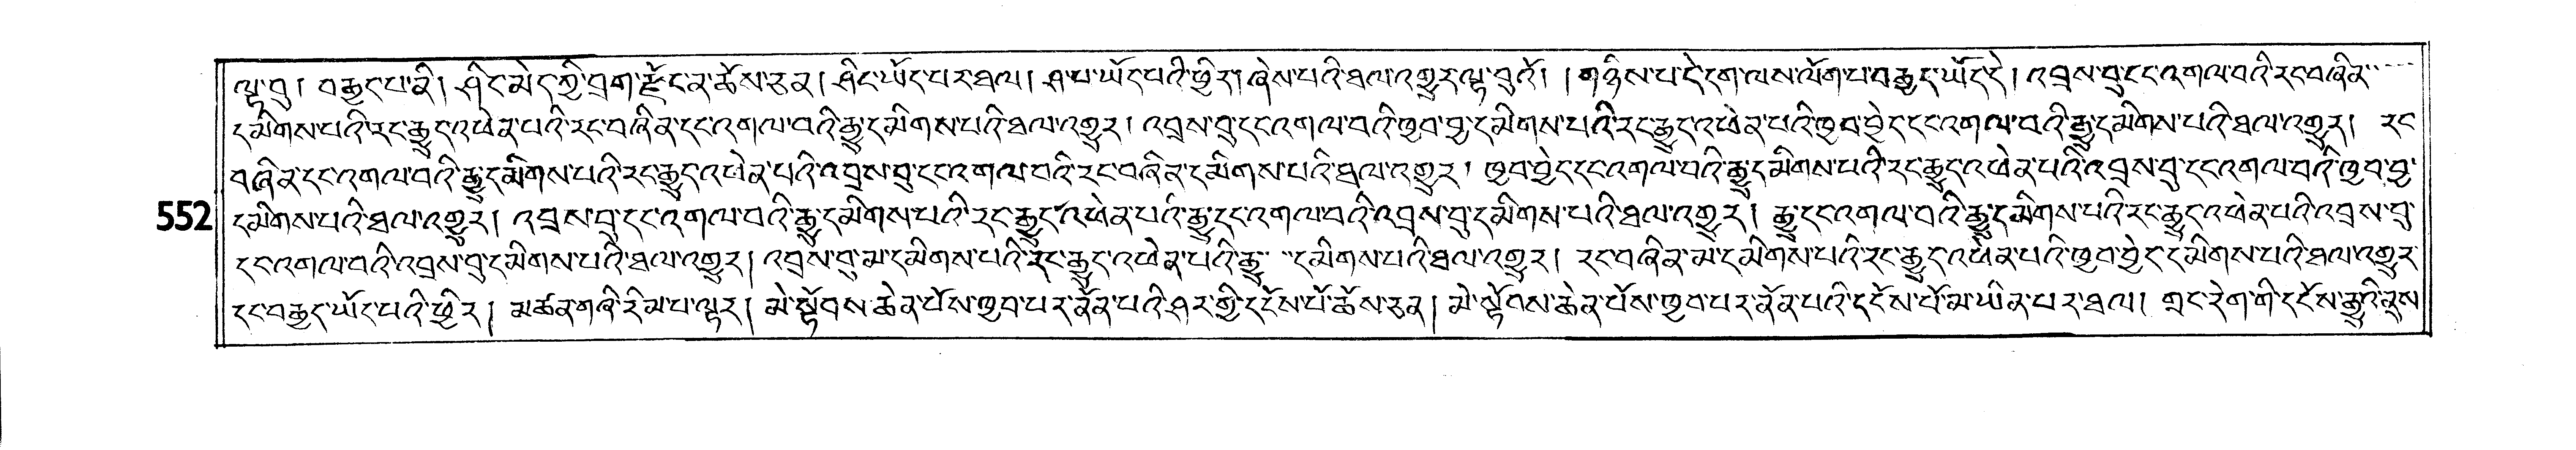ལྟ་བུ། བརྒྱད་པ་ནི། ཤིང་མེད་ཀྱི་བྲག་རྫོང་ན་ཆོས་ཅན། ཤིང་ཡོད་པར་ཐལ། ཤ་པ་ཡོད་པའི་ཕྱིར། ཞེས་པའི་ཐལ་འགྱུར་ལྟ་བུའོ། །གཉིས་པ་དེ་དག་ལས་ལོག་པ་བརྒྱད་ཡོད་དེ། འབྲས་བུ་ངང་འགལ་བའི་རང་བཞིན་
དམིགས་པའི་རང་རྒྱུད་འཕེན་པའི་རང་བཞིན་དང་འགལ་བའི་རྒྱུ་དམིགས་པའི་ཐལ་འགྱུར། འབྲས་བུ་དང་འགལ་བའི་ཁྱབ་བྱ་དམིགས་པའི་རང་རྒྱུད་འཕེན་པའི་ཁྱབ་བྱེད་དང་འགལ་བའི་རྒྱུ་དམིགས་པའི་ཐལ་འགྱུར། རང་
བཞིན་དང་འགལ་བའི་རྒྱུ་དམིགས་པའི་རང་རྒྱུད་འཕེན་པའི་འབྲས་བུ་དང་འགལ་བའི་རང་བཞིན་དམིགས་པའི་ཐལ་འགྱུར། ཁྱབ་བྱེད་དང་འགལ་བའི་རྒྱུ་དམིགས་པའི་རང་རྒྱུད་འཕེན་པའི་འབྲས་བུ་དང་འགལ་བའི་ཁྱབ་བྱ་
དམིགས་པའི་ཐལ་འགྱུར། འབྲས་བུ་དང་འགལ་བའི་རྒྱུ་དམིགས་པའི་རང་རྒྱུད་འཕེན་པའི་རྒྱུ་དང་འགལ་བའི་འབྲས་བུ་དམིགས་པའི་ཐལ་འགྱུར། རྒྱུ་དང་འགལ་བའི་རྒྱུ་དམིགས་པའི་རང་རྒྱུད་འཕེན་པའི་འབྲས་བུ་
དང་འགལ་བའི་འབྲས་བུ་དམིགས་པའི་ཐལ་འགྱུར། འབྲས་བུ་མ་དམིགས་པའི་རང་རྒྱུད་འཕེན་པའི་རྒྱུ་དམིགས་པའི་ཐལ་འགྱུར། རང་བཞིན་མ་དམིགས་པའི་རང་རྒྱུད་འཕེན་པའི་ཁྱབ་བྱེད་དམིགས་པའི་ཐལ་འགྱུར་
དང་བརྒྱད་ཡོད་པའི་ཕྱིར། མཚན་གཞི་རིམ་པ་ལྟར། མེ་སྟོབས་ཆེན་པོས་ཁྱབ་པར་ནོན་པའི་ཤར་གྱི་དངོས་པོ་ཆོས་ཅན། མེ་སྟོབས་ཆེན་པོས་ཁྱབ་པར་ནོན་པའི་དངོས་པོ་མ་ཡིན་པར་ཐལ། གྲང་རེག་གི་དངོས་རྒྱུའི་ནུས་